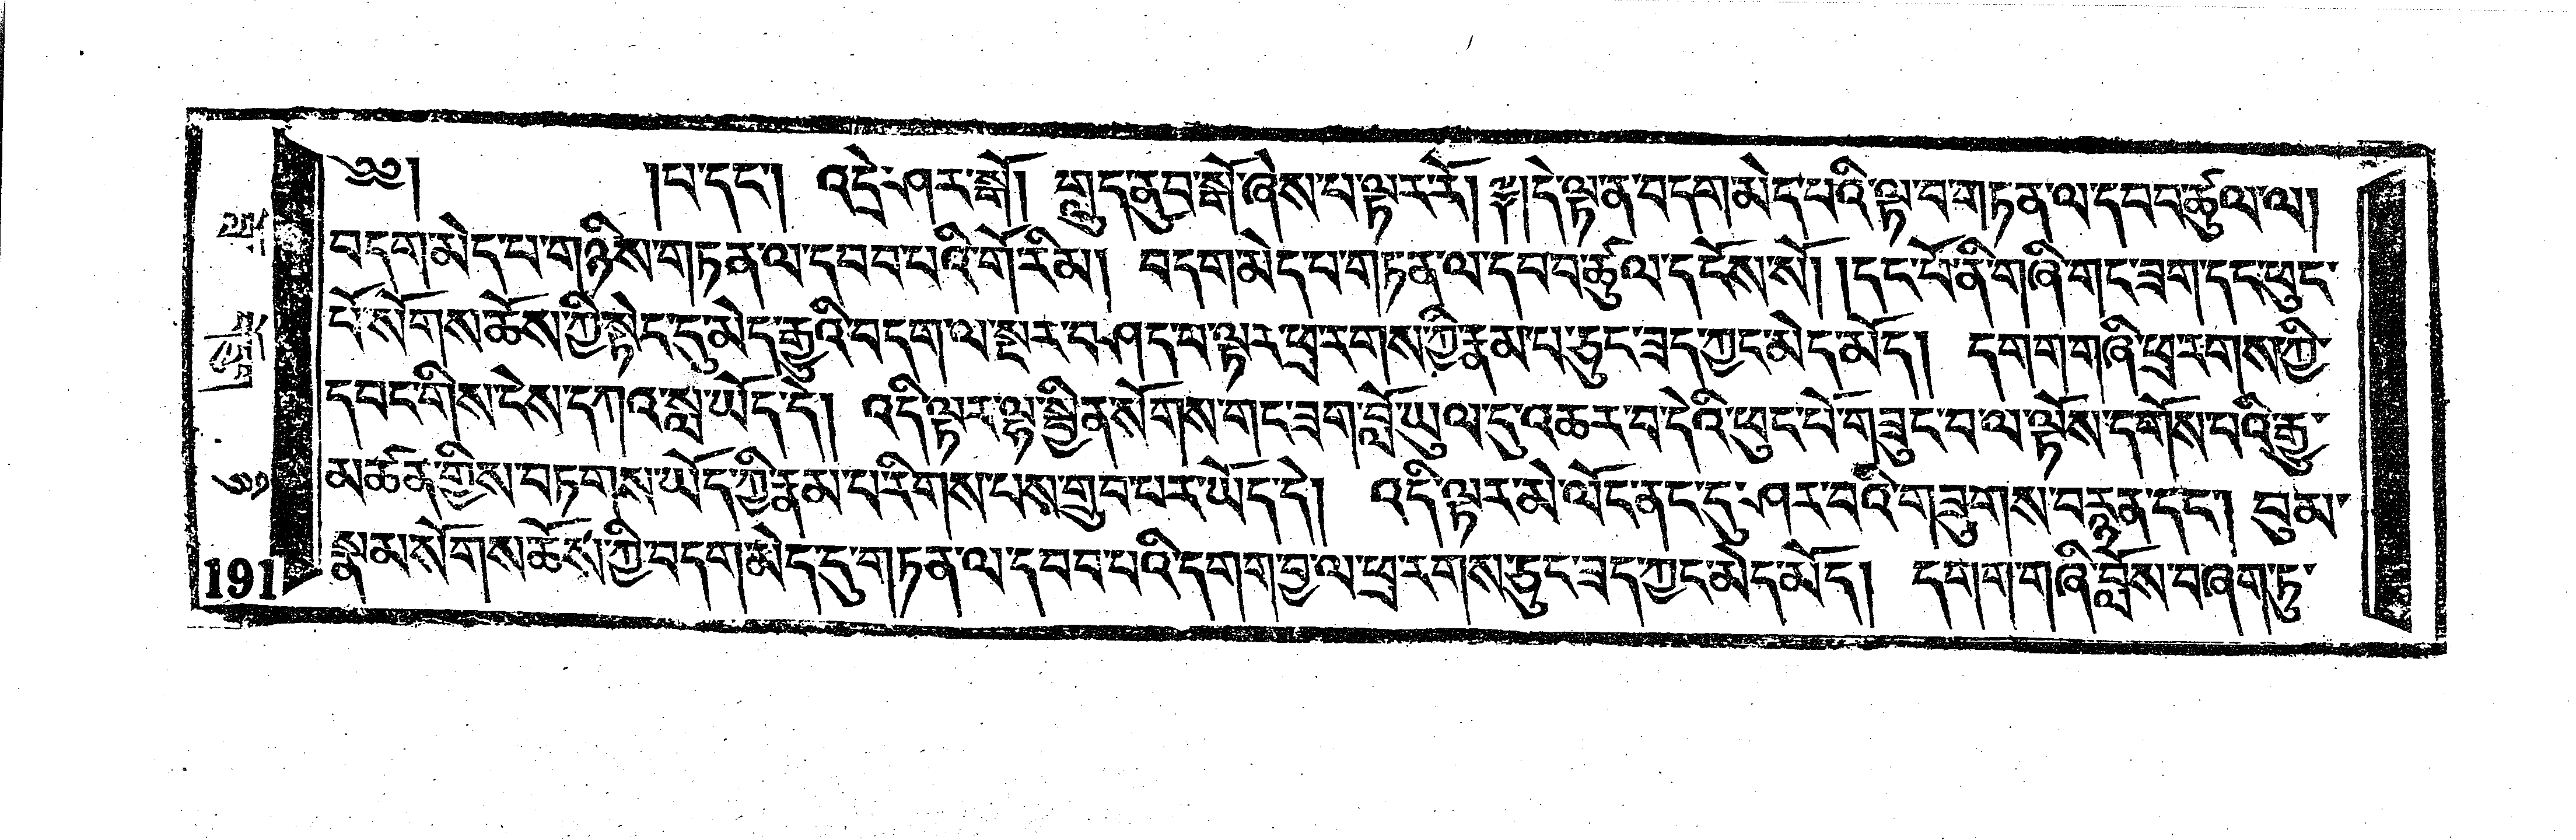༄༅། །པ་དང་། འདྲེ་ཤར་སྒོ། གླུད་ནུབ་སྒོ་ཞེས་པ་ལྟར་རོ། ༈ །དེ་ལྟ་ན་བདག་མེད་པའི་ལྟ་བ་གཏན་ལ་དབབ་ཚུལ་ལ།
བདག་མེད་པ་གཉིས་གཏན་ལ་དབབ་པའི་གོ་རིམ། བདག་མེད་པ་གཏན་ལ་དབབ་ཚུལ་དངོས་སོ། །དང་པོ་ནི་གཞི་གང་ཟག་དང་ཕུང་
པོ་སོགས་ཆོས་ཀྱི་སྟེང་དུ་མེད་རྒྱུའི་བདག་ལ་སྔར་བཤད་པ་ལྟར་ཕྲ་རགས་ཀྱི་རྣམ་པ་ཅུང་ཟད་ཀྱང་མེད་མོད། དགག་གཞི་ཕྲ་རགས་ཀྱི་
དབང་གིས་ངེས་དཀའ་སླ་ཡོད་དེ། འདི་ལྟར་ལྷ་སྦྱིན་སོགས་གང་ཟག་བློ་ཡུལ་དུ་འཆར་བ་དེའི་ཕུང་པོ་གཟུང་བ་ལ་ལྟོས་དགོས་པའི་རྒྱུ་
མཚན་གྱིས་བཏགས་ཡོད་ཀྱི་རྣམ་པ་རིགས་པས་གྲུབ་པར་ཡོད་དེ། འདི་ལྟར་མེ་ལོང་ནང་དུ་ཤར་བའི་གཟུགས་བརྙན་དང་། བུམ་
སྣམ་སོགས་ཆོས་ཀྱི་བདག་མེད་དུ་གཏན་ལ་དབབ་པའི་དགག་བྱ་ལ་ཕྲ་རགས་ཅུང་ཟད་ཀྱང་མེད་མོད། དགག་གཞི་བློས་བཞག་ཏུ་